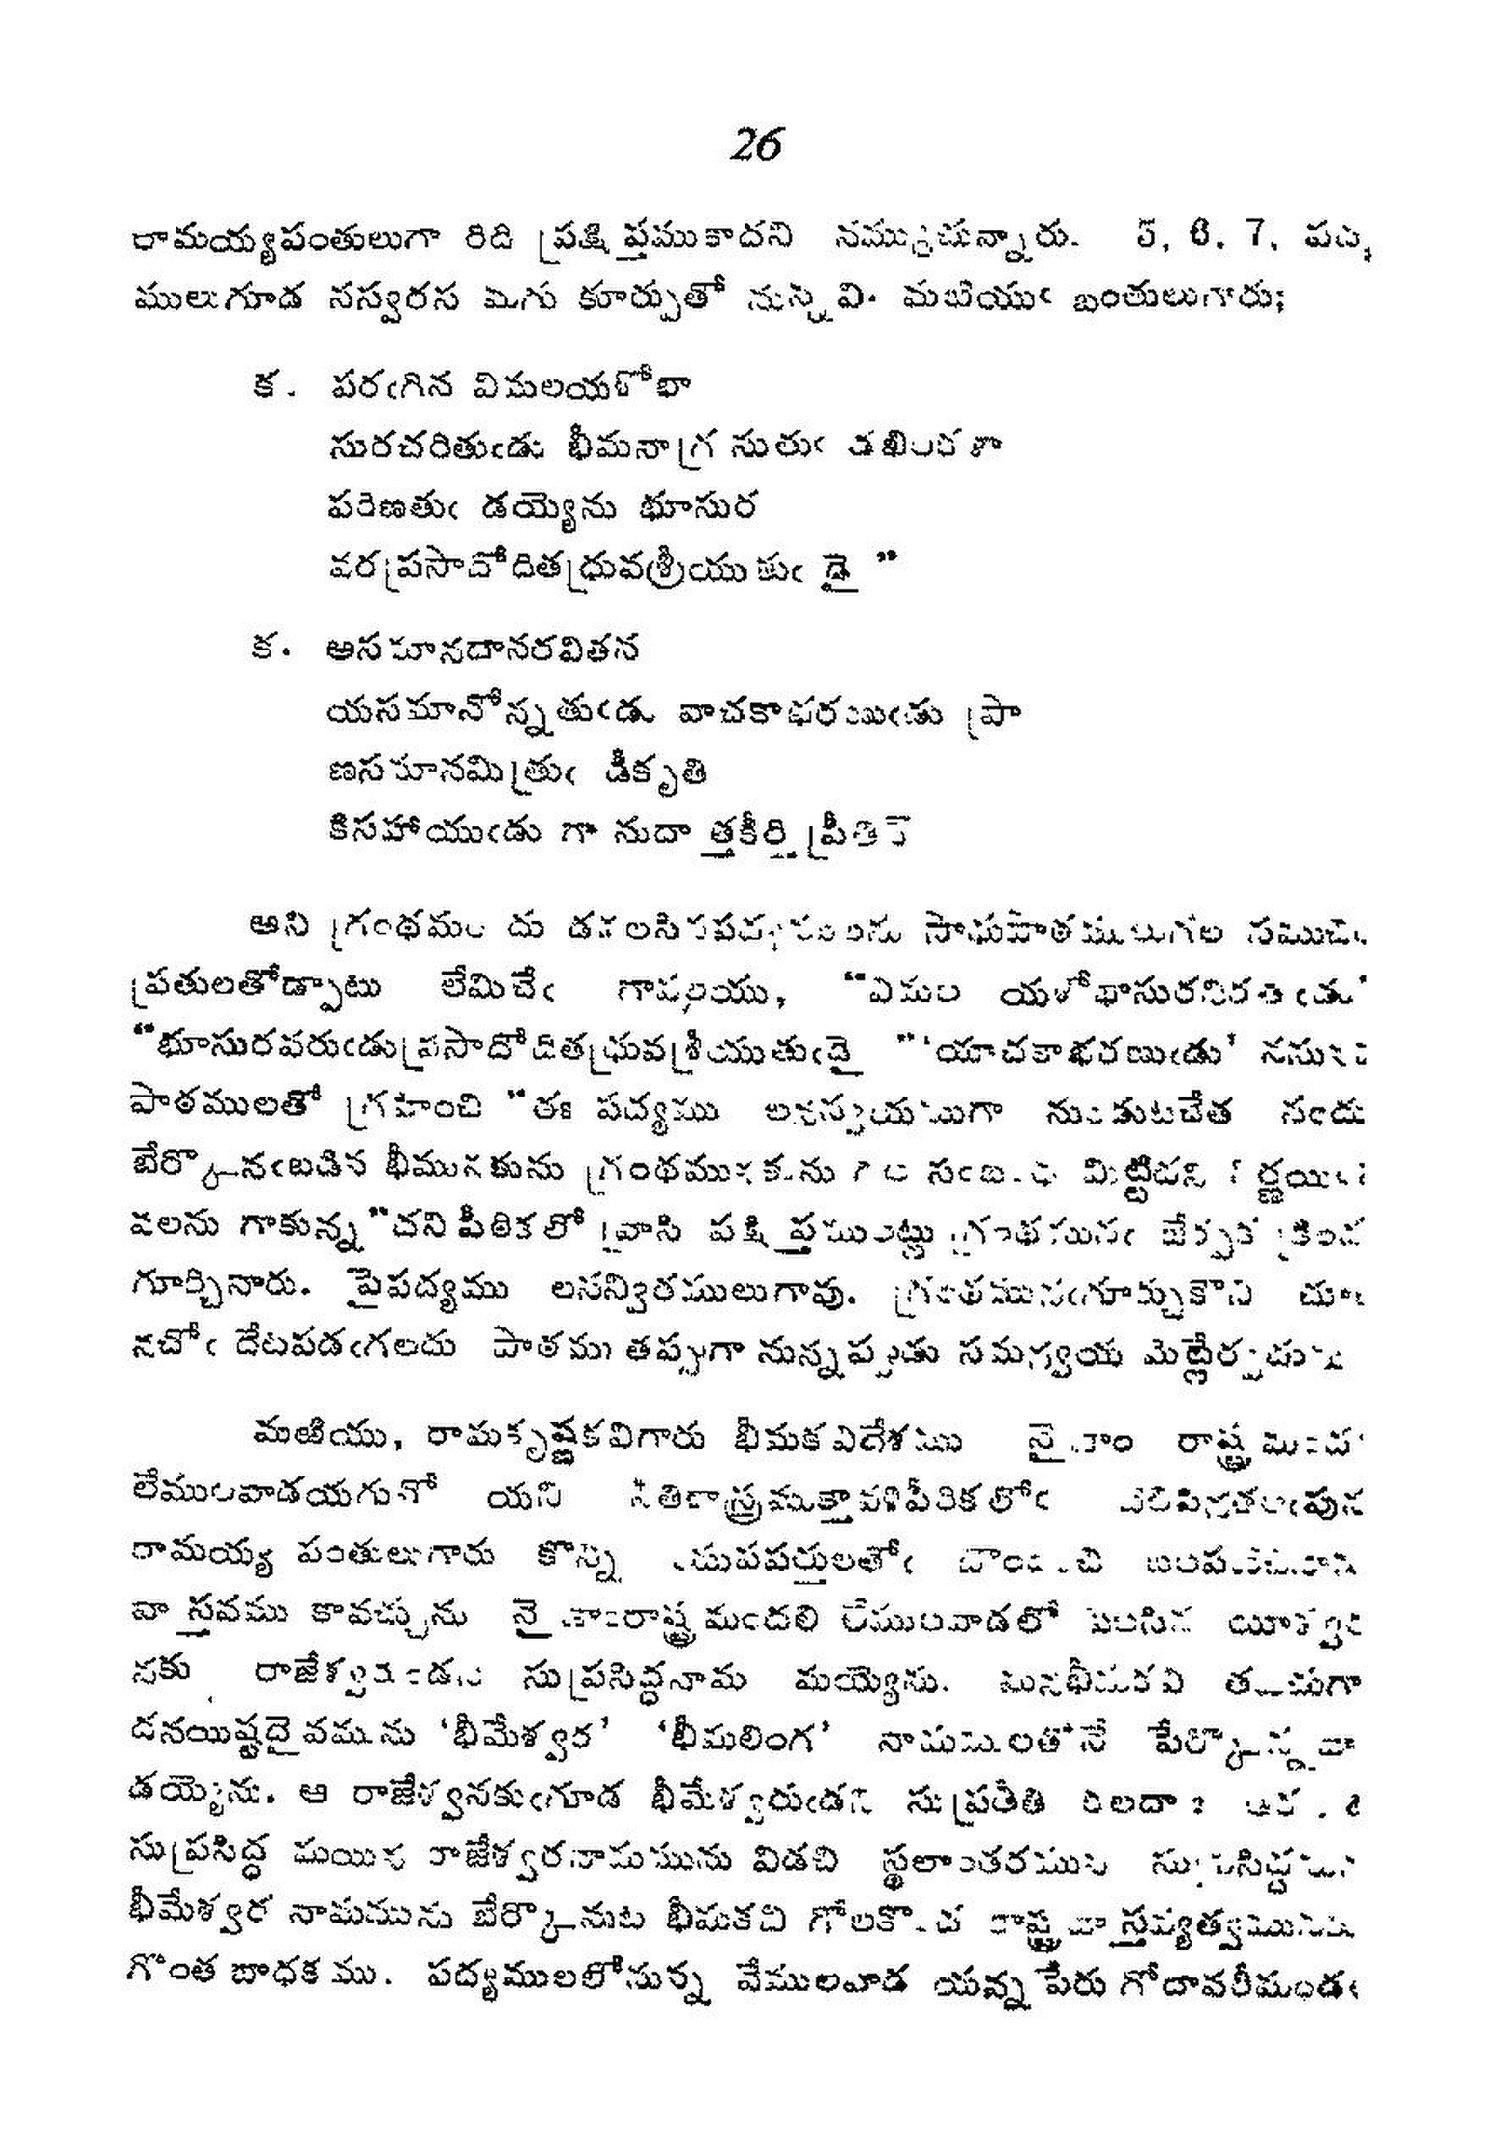.
రామయ్య పంతులుగా రీది ప్రక్షిప్తము కాదని నమ్ముచున్నారు.
5, 6, 7, పదములుగూడ సస్వరస మగు కూర్పుతో నున్నవి. మటిఱియుఁ బంతులుగారు;

క. పరఁగిన విమలయశోదా
సురచరితుఁడు భీమనాగ్ర సుతుఁ డఖిలకళా
పరిణతుఁ డయ్యెను భూసుర
వరప్రసాదోదిత ధ్రువతీయుతు డై

క. అసమానదానరవితన
యసమానోస్నతుఁడు వాచకొధరుఁడు ప్రా
ణసమానమిత్రుఁ డికృతి
కిసహాయుఁడు గా నుదాత్తకీర్తి ప్రీతిన్

అని గ్రంథమందుండ వలసిన పద్యములను సాధు పాఠములు గల సముచిత
ప్రతులతో డ్పాటు లేమిచేఁ గావలయు , "విముల యశోభాసురునిరతడు'
“భూసురవరుఁడు ప్రసాదోదిత ధ్రువవశ్రీయుతుఁడై "'యాచకాభరణుడు' ననునవి 
పాఠములతో గ్రహించి "ఈ పద్యము లనన్వముగా నుండుట చేత నందు 
బేర్కొనఁబడిన భీమున కును గ్రంథమునకను గల సం బంద మిట్టిదని నిర్ణయింప .
వలను గాకున్న "దీని పీఠిక లో వ్రాసి పక్షిప్తములట్లు గ్రంధమునఁ జేర్చక క్రింద 
గూర్చినారు. పై పద్యము లసన్విరములుగావు. గ్రంధమున గూచ్చుకొని చూచి
సచోఁ దేటపడఁగలదు పాఠము తప్పుగా నున్నప్పుడు సమన్వయ మెట్లేర్పడును
 
మఱియు, రామకృష్ణకవిగారు భీమకవి దేశము నైజాం రాష్ట్ర మందలి
లేములవాడయగునో యని నీతిశాస్త్రముక్తావళీ పీఠికలోఁ తెలిపిన తలపున
రామయ్య పంతులు గారు కొన్ని .....చుపపర్తులతో, బొందిచి బలపరచినారు. 
వాస్తవము కావచ్చును నైజాం రాష్ట్ర మందలి లేములవాడలో వెలసిన యీశ్వరు
నకు, రాజేశ్వరుడని : సుప్రసిద్ధనామ మయ్యెను. మనభీమ కవి తరచుగా 
డనయిష్టదైవమును 'భీమేశ్వర' ‘భీమలింగ' నామములతో నే పేర్కొన్నవా
డయ్యెను. ఆ రాజేశ్వనకుఁగూడ భీమేశ్వరుఁడని: సుప్రతీతి కలదా ? అంతటి
సుప్రసిద్ధ మయిన రాజేశ్వర నామమును విడచి స్థలాతరమున సుప్ర సిద్ధమైన'
భీమేశ్వర నామమును బేర్కొనుట భీమకవి గోలకొండ రాష్ట్ర వాస్తవ్యుత్వమునకు 
గొంత బాధకము. పద్యములలోనున్న వేములవాడ యన్న పేరు గోదావరీ మండల